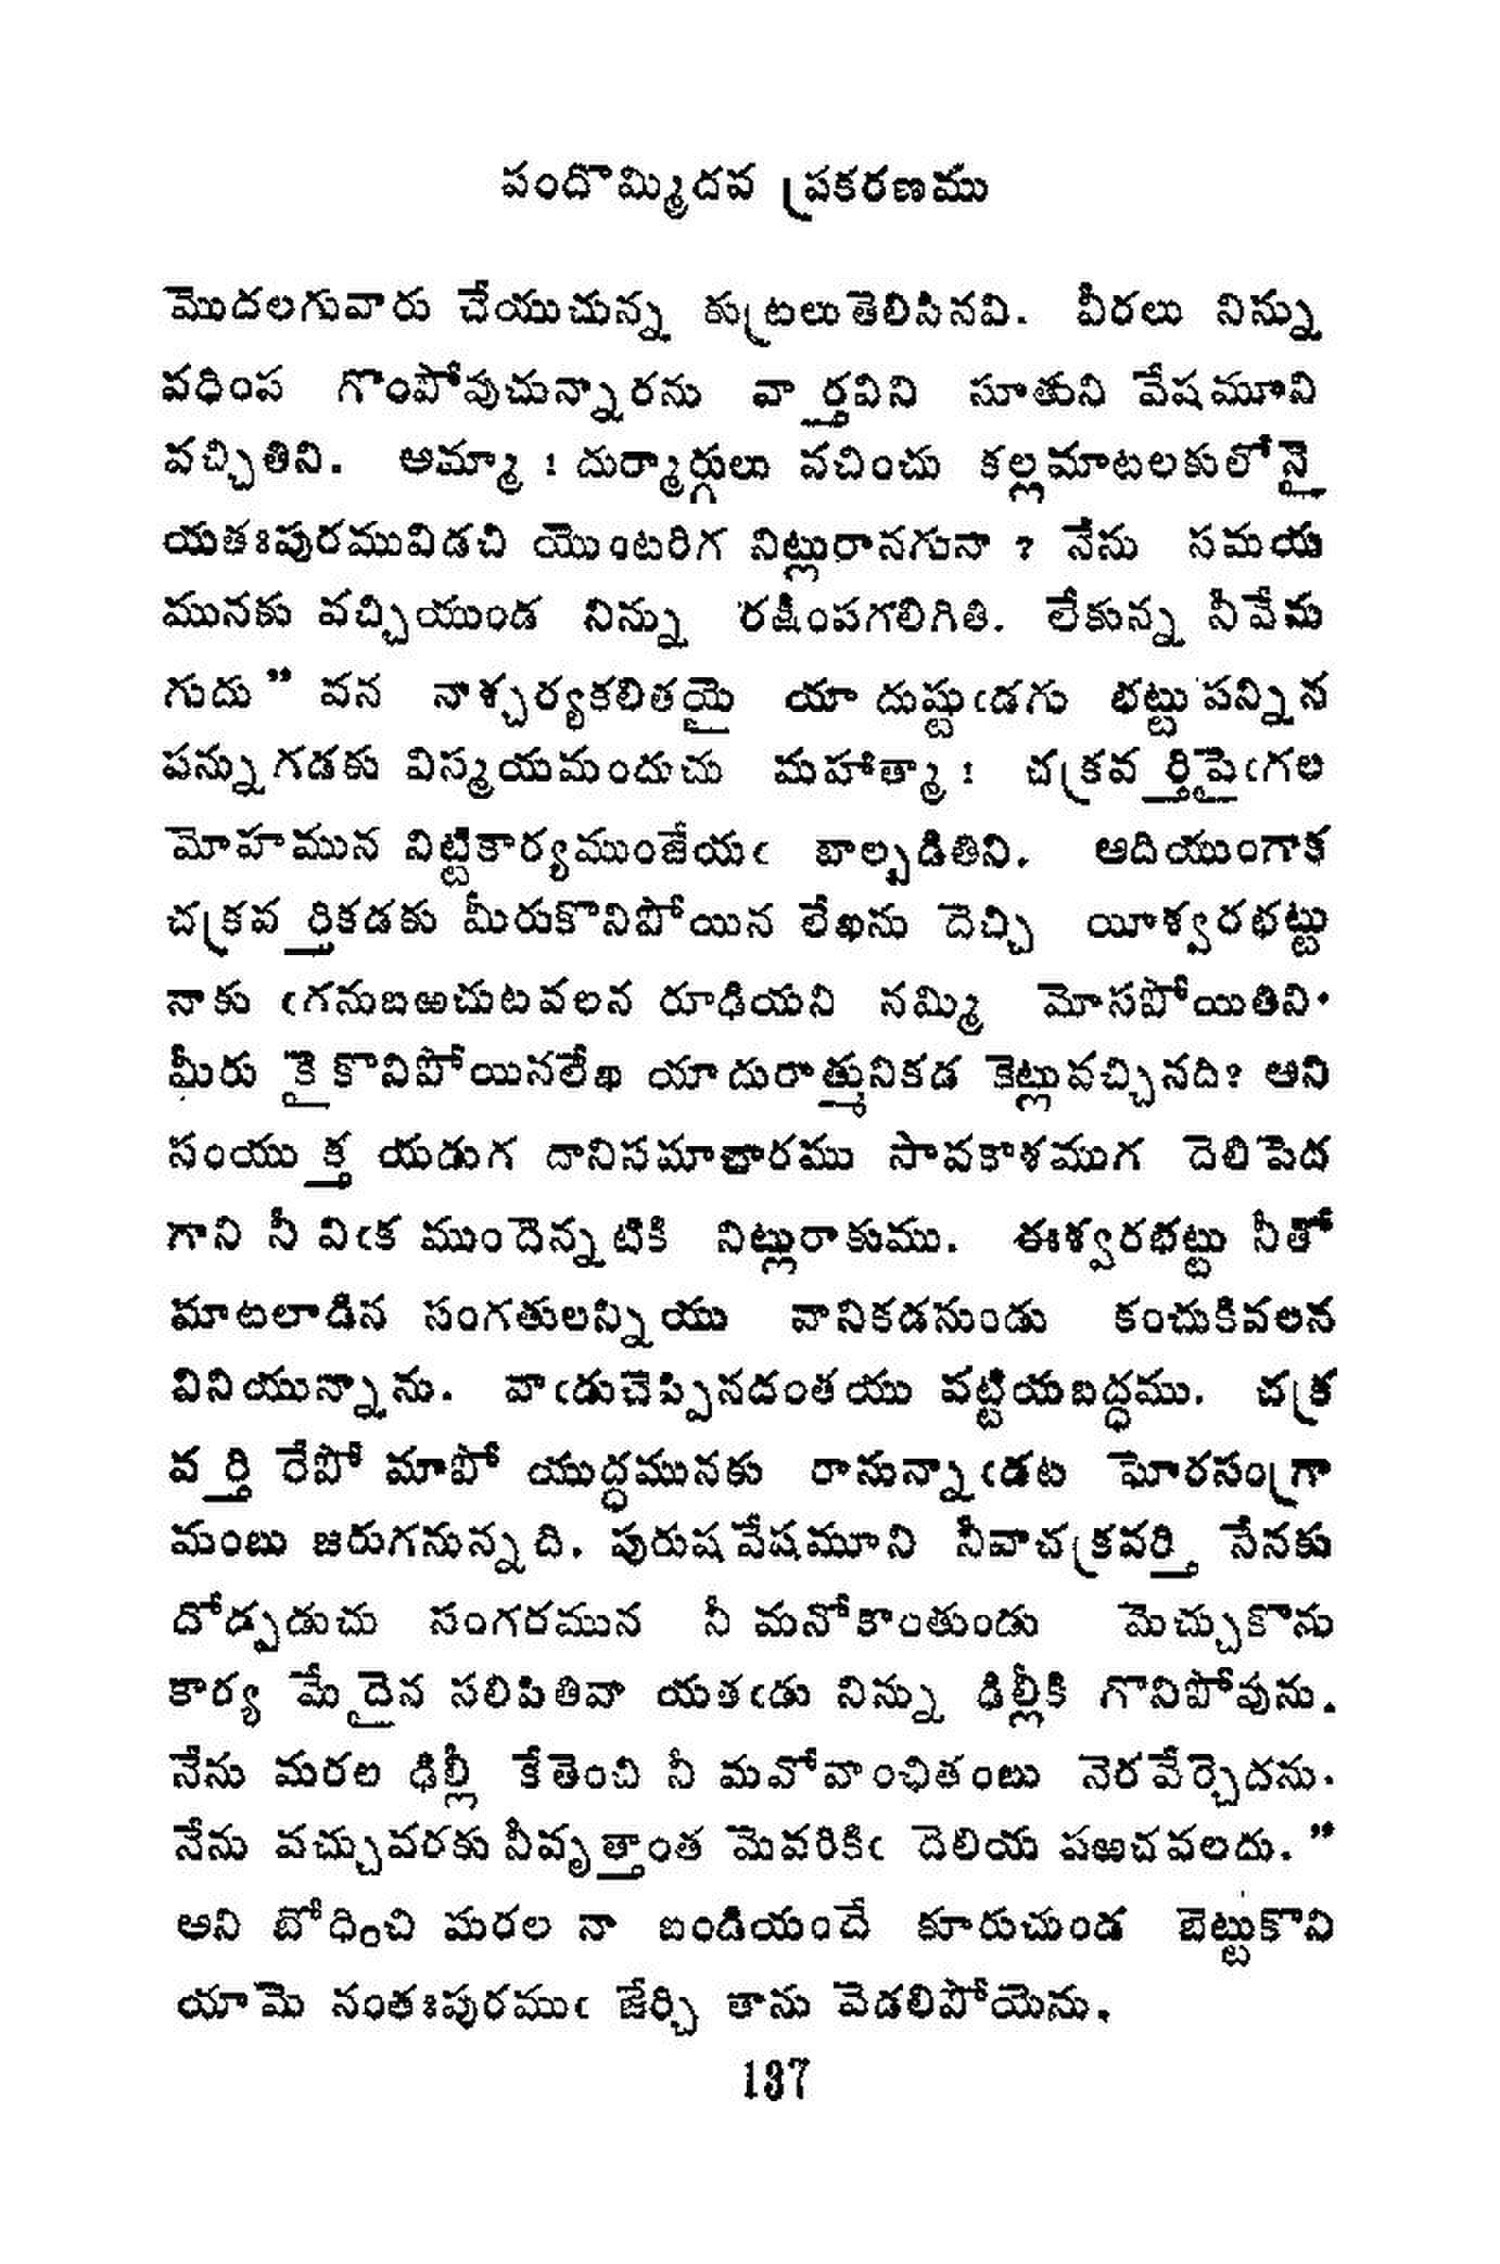మొదలగువారు చేయుచున్న కుట్రలు తెలిసినవి. వీరలు నిన్ను వధింప గొంపోవుచున్నారను వార్తవిని సూతుని వేషమూని వచ్చితిని. అమ్మా ! దుర్మార్గులు వచించు కల్లమాటలకులోనై యతఃపురమువిడచి యొంటరిగ నిట్లురానగునా? నేను సమయమునకు వచ్చియుండ నిన్ను రక్షింపగలిగితి. లేకున్న నీవేమగుదు" వన నాశ్చర్యకలితయై యా దుష్టుఁడగు భట్టుపన్నిన పన్నుగడకు విస్మయమందుచు మహాత్మా ! చక్రవర్తిపైఁగల మోహమున నిట్టికార్యముంజేయఁ బాల్పడితిని. ఆదియుంగాక చక్రవర్తికడకు మీరుకొనిపోయిన లేఖను దెచ్చి యీశ్వరభట్టు నాకు గనుబఱచుటవలన రూఢియని నమ్మి మోసపోయితివి . మీరు కైకొనిపోయినలేఖ యా దురాత్మునికడ కెట్లు వచ్చినది? అని సంయుక్త యడుగ దానిసమాచారము సావకాశముగ దెలిపెద గాని నీ విఁక ముందెన్నటికి నిట్లురాకుము. ఈశ్వరభట్టు నీతో మాటలాడిన సంగతులన్నియు వానికడనుండు కంచుకివలన వినియున్నాను. వాఁడుచెప్పినదంతయు వట్టియబద్ధము, చక్రవర్తి రేపో మాపో యుద్ధమునకు రానున్నాఁడట ఘోరసంగ్రామంబు జరుగనున్నది. పురుషవేషమూని నీవాచక్రవర్తి సేనకు దోడ్పడుచు సంగరమున నీ మనోకాంతుండు మెచ్చుకొను కార్య మే దైన సలిపితివా యతఁడు నిన్ను ఢిల్లీకి గొనిపోవును. నేను మరల ఢిల్లీ కేతెంచి నీ మవోవాంఛితంబు నెరవేర్చెదను. నేను వచ్చువరకు నీవృత్తాంత మెవరికిఁ దెలియ పఱచవలదు." అని బోధించి మరల నా బండియందే కూరుచుండ బెట్టుకొని యామె నంతఃపురముఁ జేర్చి తాను వెడలిపోయెను,